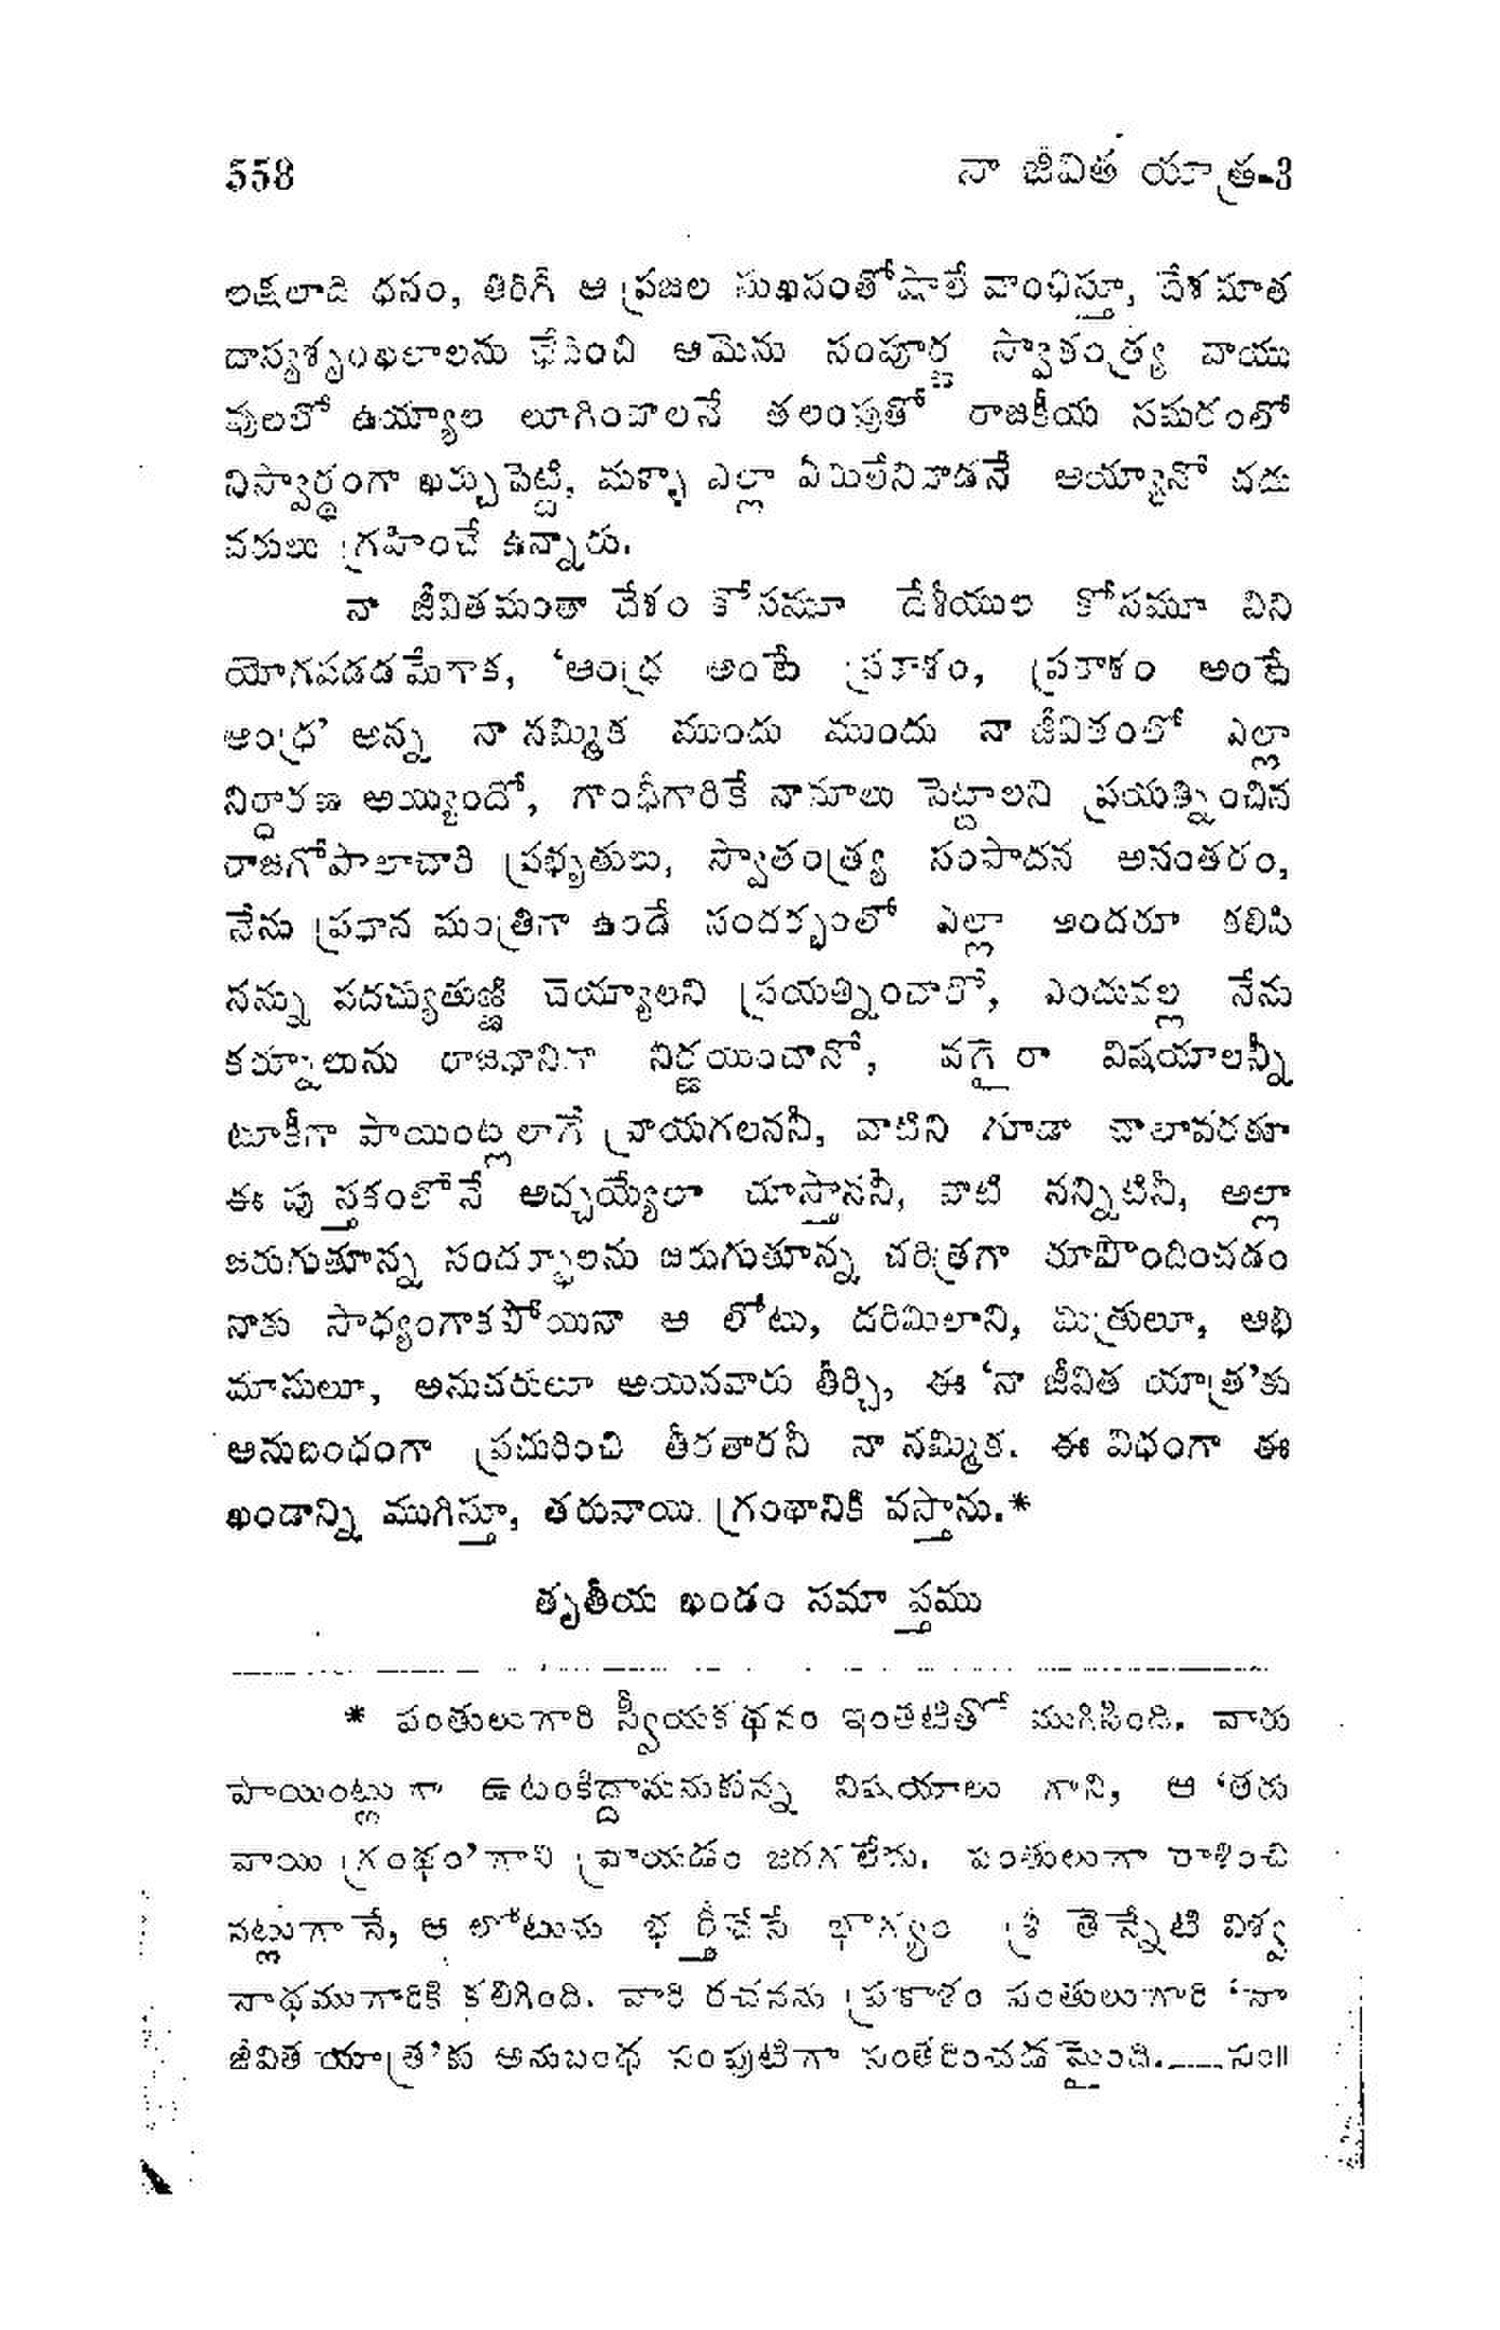లక్షలాది ధనం, తిరిగీ ఆ ప్రజల సుఖసంతోషాలే వాంఛిస్తూ, దేశమాత దాస్యశృంఖలాలను ఛేదించి ఆమెను సంపూర్ణ స్వాతంత్ర్య వాయువులలో ఉయ్యాల లూగించాలనే తలంపుతో రాజకీయ సమరంలో నిస్వార్థంగా ఖర్చుపెట్టి, మళ్ళా ఎల్లా ఏమీలేనివాడినే అయ్యానో చదువరులు గ్రహించే ఉన్నారు.

నా జీవితమంతా దేశం కోసమూ దేశీయుల కోసమూ వినియోగపడడమేగాక, `ఆంధ్ర అంటే ప్రకాశం, ప్రకాశం అంటే ఆంధ్ర' అన్న నా నమ్మిక ముందు ముందు నా జీవితంలో ఎల్లా నిర్ధారణ అయ్యిందో, గాంధీగారికే నామాలు పెట్టాలని ప్రయత్నించిన రాజగోపాలాచారి ప్రభృతులు, స్వాతంత్ర్య సంపాదన అనంతరం నేను ప్రధాన మంత్రిగా ఉండే సందర్భంలో ఎల్లా అందరూ కలిసి నన్ను పదచ్యుతుణ్ణి చెయ్యాలని ప్రయత్నించారో, ఎందువల్ల నేను కర్నూలును రాజధానిగా నిర్ణయించానో, వగైరా విషయాలన్నీ టూకీగా పాయింట్లలాగే వ్రాయగలననీ, వాటిని గూడా చాలావరకూ ఈ పుస్తకంలోనే అచ్చయ్యేలా చూస్తాననీ, వాటి నన్నిటినీ, అల్లా జరుగుతూన్న సందర్భాలను జరుగుతూన్న చరిత్రగా రూపొందించడం నాకు సాధ్యంగాకపోయినా ఆ లోటు, దరిమిలాని, మిత్రులూ, అభిమానులూ, అనుచరులూ అయినవారు తీర్చి, ఈ `నా జీవిత యాత్ర'కు అనుబంధంగా ప్రచురించి తీరతారనీ నా నమ్మిక. ఈ విధంగా ఈ ఖండాన్ని ముగిస్తూ, తరువాయి గ్రంథానికి వస్తాను.